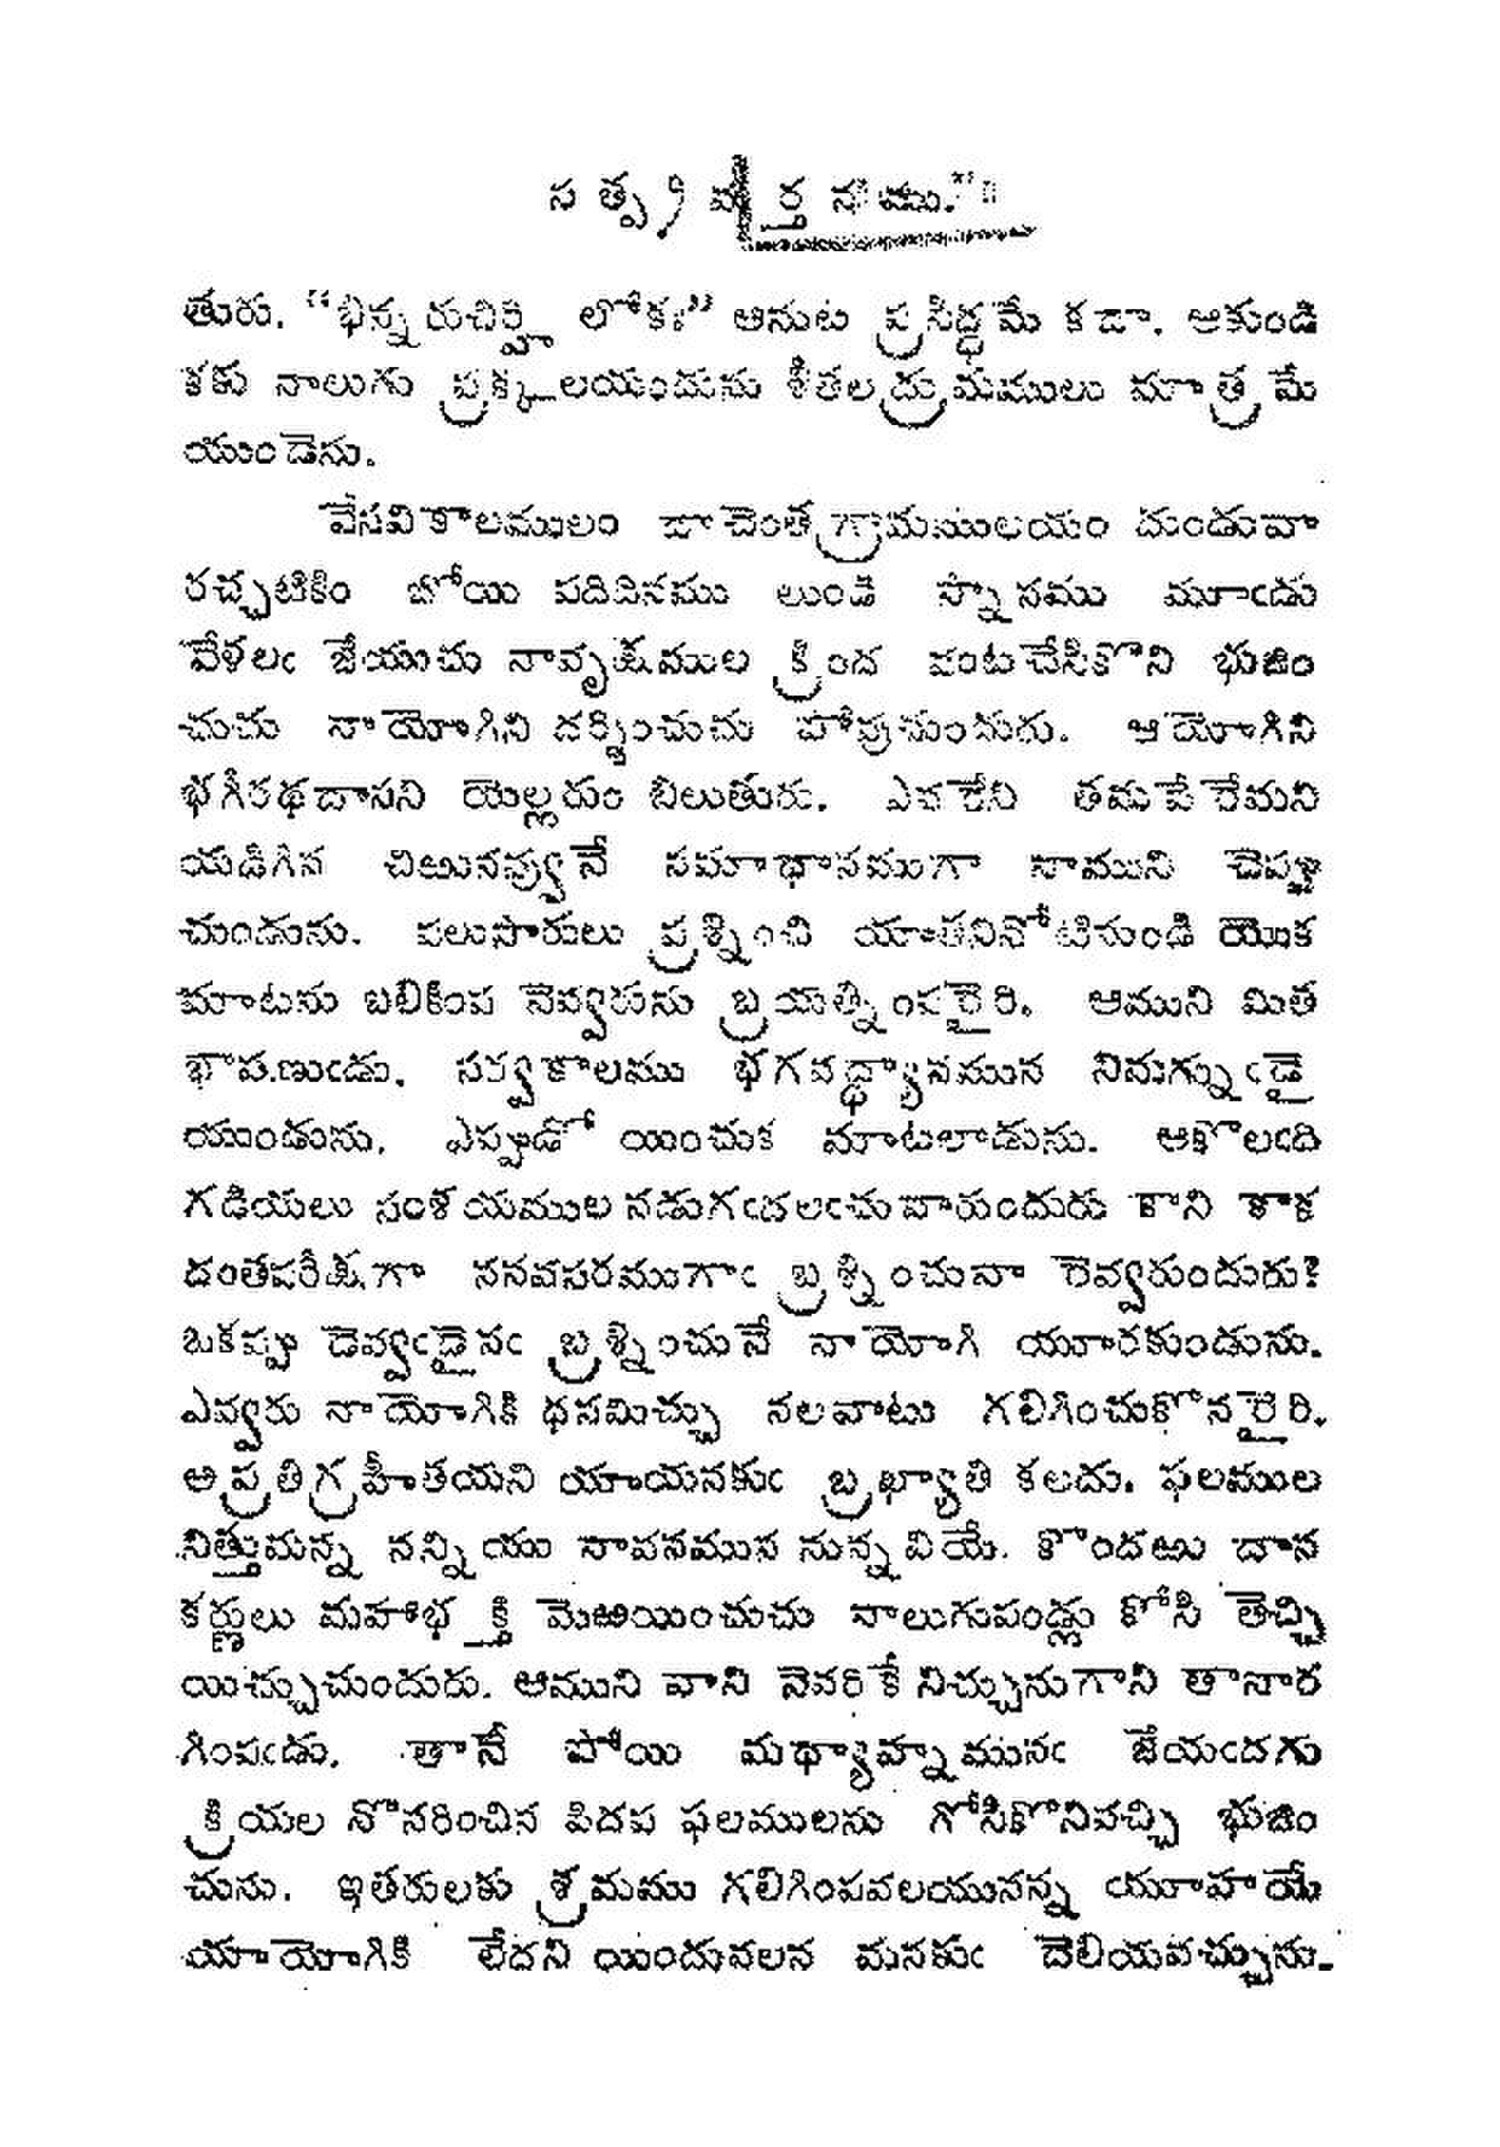తురు. 'భిన్న రుచిర్హి లోకం ' అనుట ప్రసిద్ధ మే కదా. ఆకుండికకు నాలుగు ప్రక్కలయందును శీతల ద్రుమములు మాత్రమే యుండెను.

వేసవి కాలములం జాచెంత గ్రామములయం దుండువారచ్చటికిం బోయి పదిదినము లుండి స్నానము మూఁడు వేళలఁ జేయుచు నావృక్షముల, కింద పంట చేసికొని భుజించుచు యోగిని దర్శించుచు పోవు నుందురు. ఆ యోగిని భగీరథ దాసని యెల్లరుం బిలుతురు. ఎవడేని తమ పేరేమని యడిగిన చిఱునవ్వునే సమాధానముగా నామముని చెప్పు చుండును. పలుసారులు ప్రశ్నించి యాతనినోటినుండి యొక మాటను బలికింప నెవ్వరును ప్రయత్నించరైరి. ఆముని మిత భాషణుఁడు, సర్వకాలము భగవద్ధ్యా సమున నిదుగ్ను డై యుండును. ఎప్పుడో యించుక మాటలాడును. ఆకొలది గడియలు సంశయముల నడుగఁదలచువారందురు కాని కాక దంతపరీక్షగా సనవసరముగాఁ బశ్నించువా రెవ్వరుందురు? ఒకప్పు డెవ్వండైనం బశ్నించునే నా యోగి యూరకుండును. ఎవ్వరు నా యోగికి ధనమిచ్చు నలవాటు గలిగించుకొన రైరి. అప్రతిగ్రహీతయని యాయనకుఁ బ్రఖ్యాతి కలదు. ఫలముల నిత్తుమన్న నన్నియు నావనమున నున్నవియే. కొందఱు దాన కర్ణులు మహాభక్తి మెజియించుచు నాలుగుపండ్లు కోసి తెచ్చి యిచ్చుచుందురు. ఆముని వాని నెవరి కే నిచ్చునుగాని తానార గింపఁడు. తానే పోయి మధ్యాహ్న మునఁ జేయఁదగు క్రియల నొనరించిన పిదకు ఫలములను గోసికొనివచ్చి భుజించుసు. ఇతరులకు శమము గలిగింపవలయునన్న యూహాయే యాయోగికి లేదని యిందువలన మనకుఁ దెలియవచ్చును.